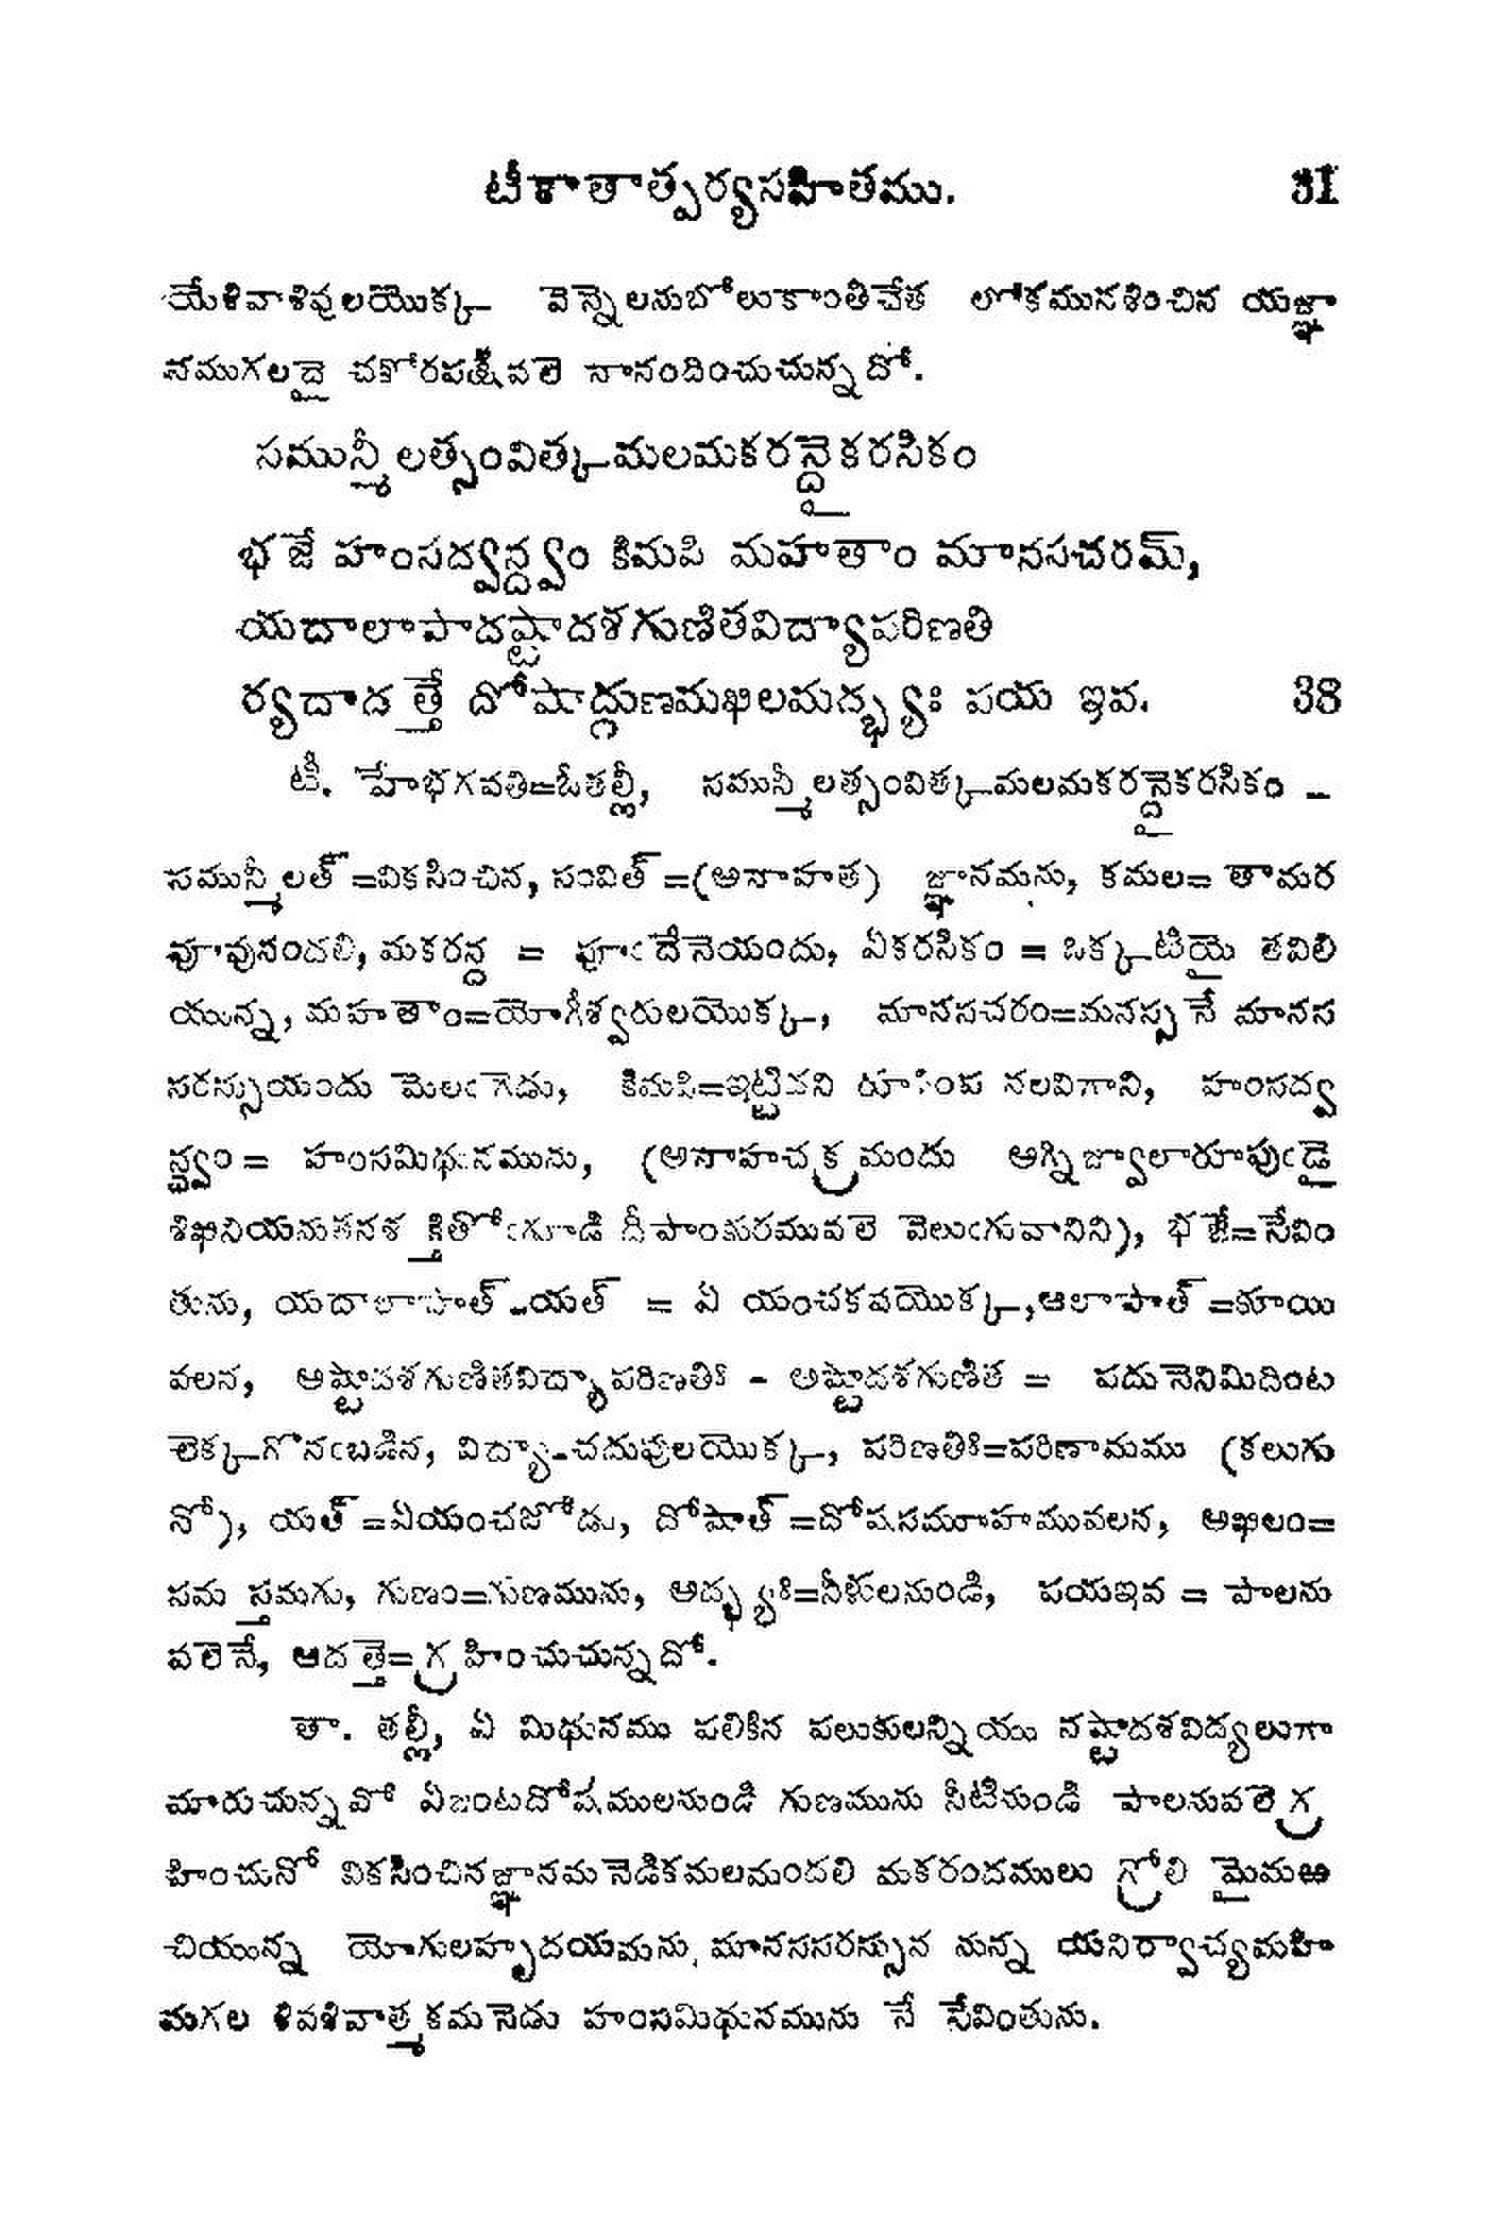యేశివాశివులయొక్క వెన్నెలనుబోలుకాంతిచేత లోకమునశించిన యజ్ఞానముగలదై చకోరపక్షివలె నానందించుచున్నదో.

సమున్మీలత్సంవిత్కమలమకరన్దైకరసికం
భజే హంసద్వన్ద్వం కిమపి మహతాం మానసచరమ్,
యదాలాపాదష్టాదశగుణితవిద్యాపరిణతి
ర్యదాదత్తే దోషాద్గుణమఖిలమద్భ్యః పయ ఇవ. 38
టీ. హేభగవతి = ఓతల్లీ, సమున్మీలత్సంవిత్కమలమకరన్దైకరసికం-సమున్మీలత్ = వికసించిన, సంవిత్ = (అనాహత) జ్ఞానమను, కమల = తామరపూవునందలి, మకరన్ద = పూఁదేనెయందు, ఏకరసికం = ఒక్కటియై తవిలియున్న, మహతాం = యోగీశ్వరులయొక్క, మానసచరం = మనస్సనే మానససరస్సుయందు మెలఁగెడు, కిమపి = ఇట్టిదని రూపింప నలవిగాని, హంసద్వన్ద్వం = హంసమిథునమును, (అనాహచక్రమందు అగ్నిజ్వాలారూపుఁడై శిఖినియనుతనశక్తితోఁగూడి దీపాంకురమువలె వెలుఁగువానిని), భజే = సేవింతును, యదాలాపాత్-యత్ = ఏ యంచకవయొక్క, ఆలాపాత్ = కూయివలన, అష్టాదశగుణితవిద్యాపరిణతిః-అష్టాదశగుణిత = పదునెనిమిదింట లెక్కగొనఁబడిన, విద్యా = చదువులయొక్క, పరిణతిః = పరిణామము (కలుగునో), యత్ = ఏయంచజోడు, దోషాత్ = దోషసమూహమువలన, అఖిలం = సమస్తమగు, గుణం = గుణమును, అద్భ్యః = నీళులనుండి, పయఇవ = పాలను వలెనే, ఆదత్తె = గ్రహించుచున్నదో.

తా. తల్లీ, ఏ మిథునము పలికిన పలుకులన్నియు నష్టాదశవిద్యలుగా మారుచున్నవో ఏజంటదోషములనుండి గుణమును నీటినుండి పాలనువలెగ్రహించునో వికసించినజ్ఞాన మనెడికమలమందలి మకరందములు గ్రోలి మైమఱచియున్న యోగులహృదయమను మానససరస్సున నున్న యనిర్వాచ్యమహిమగల శివశివాత్మకమనెడు హంసమిథునమును నే సేవింతును.